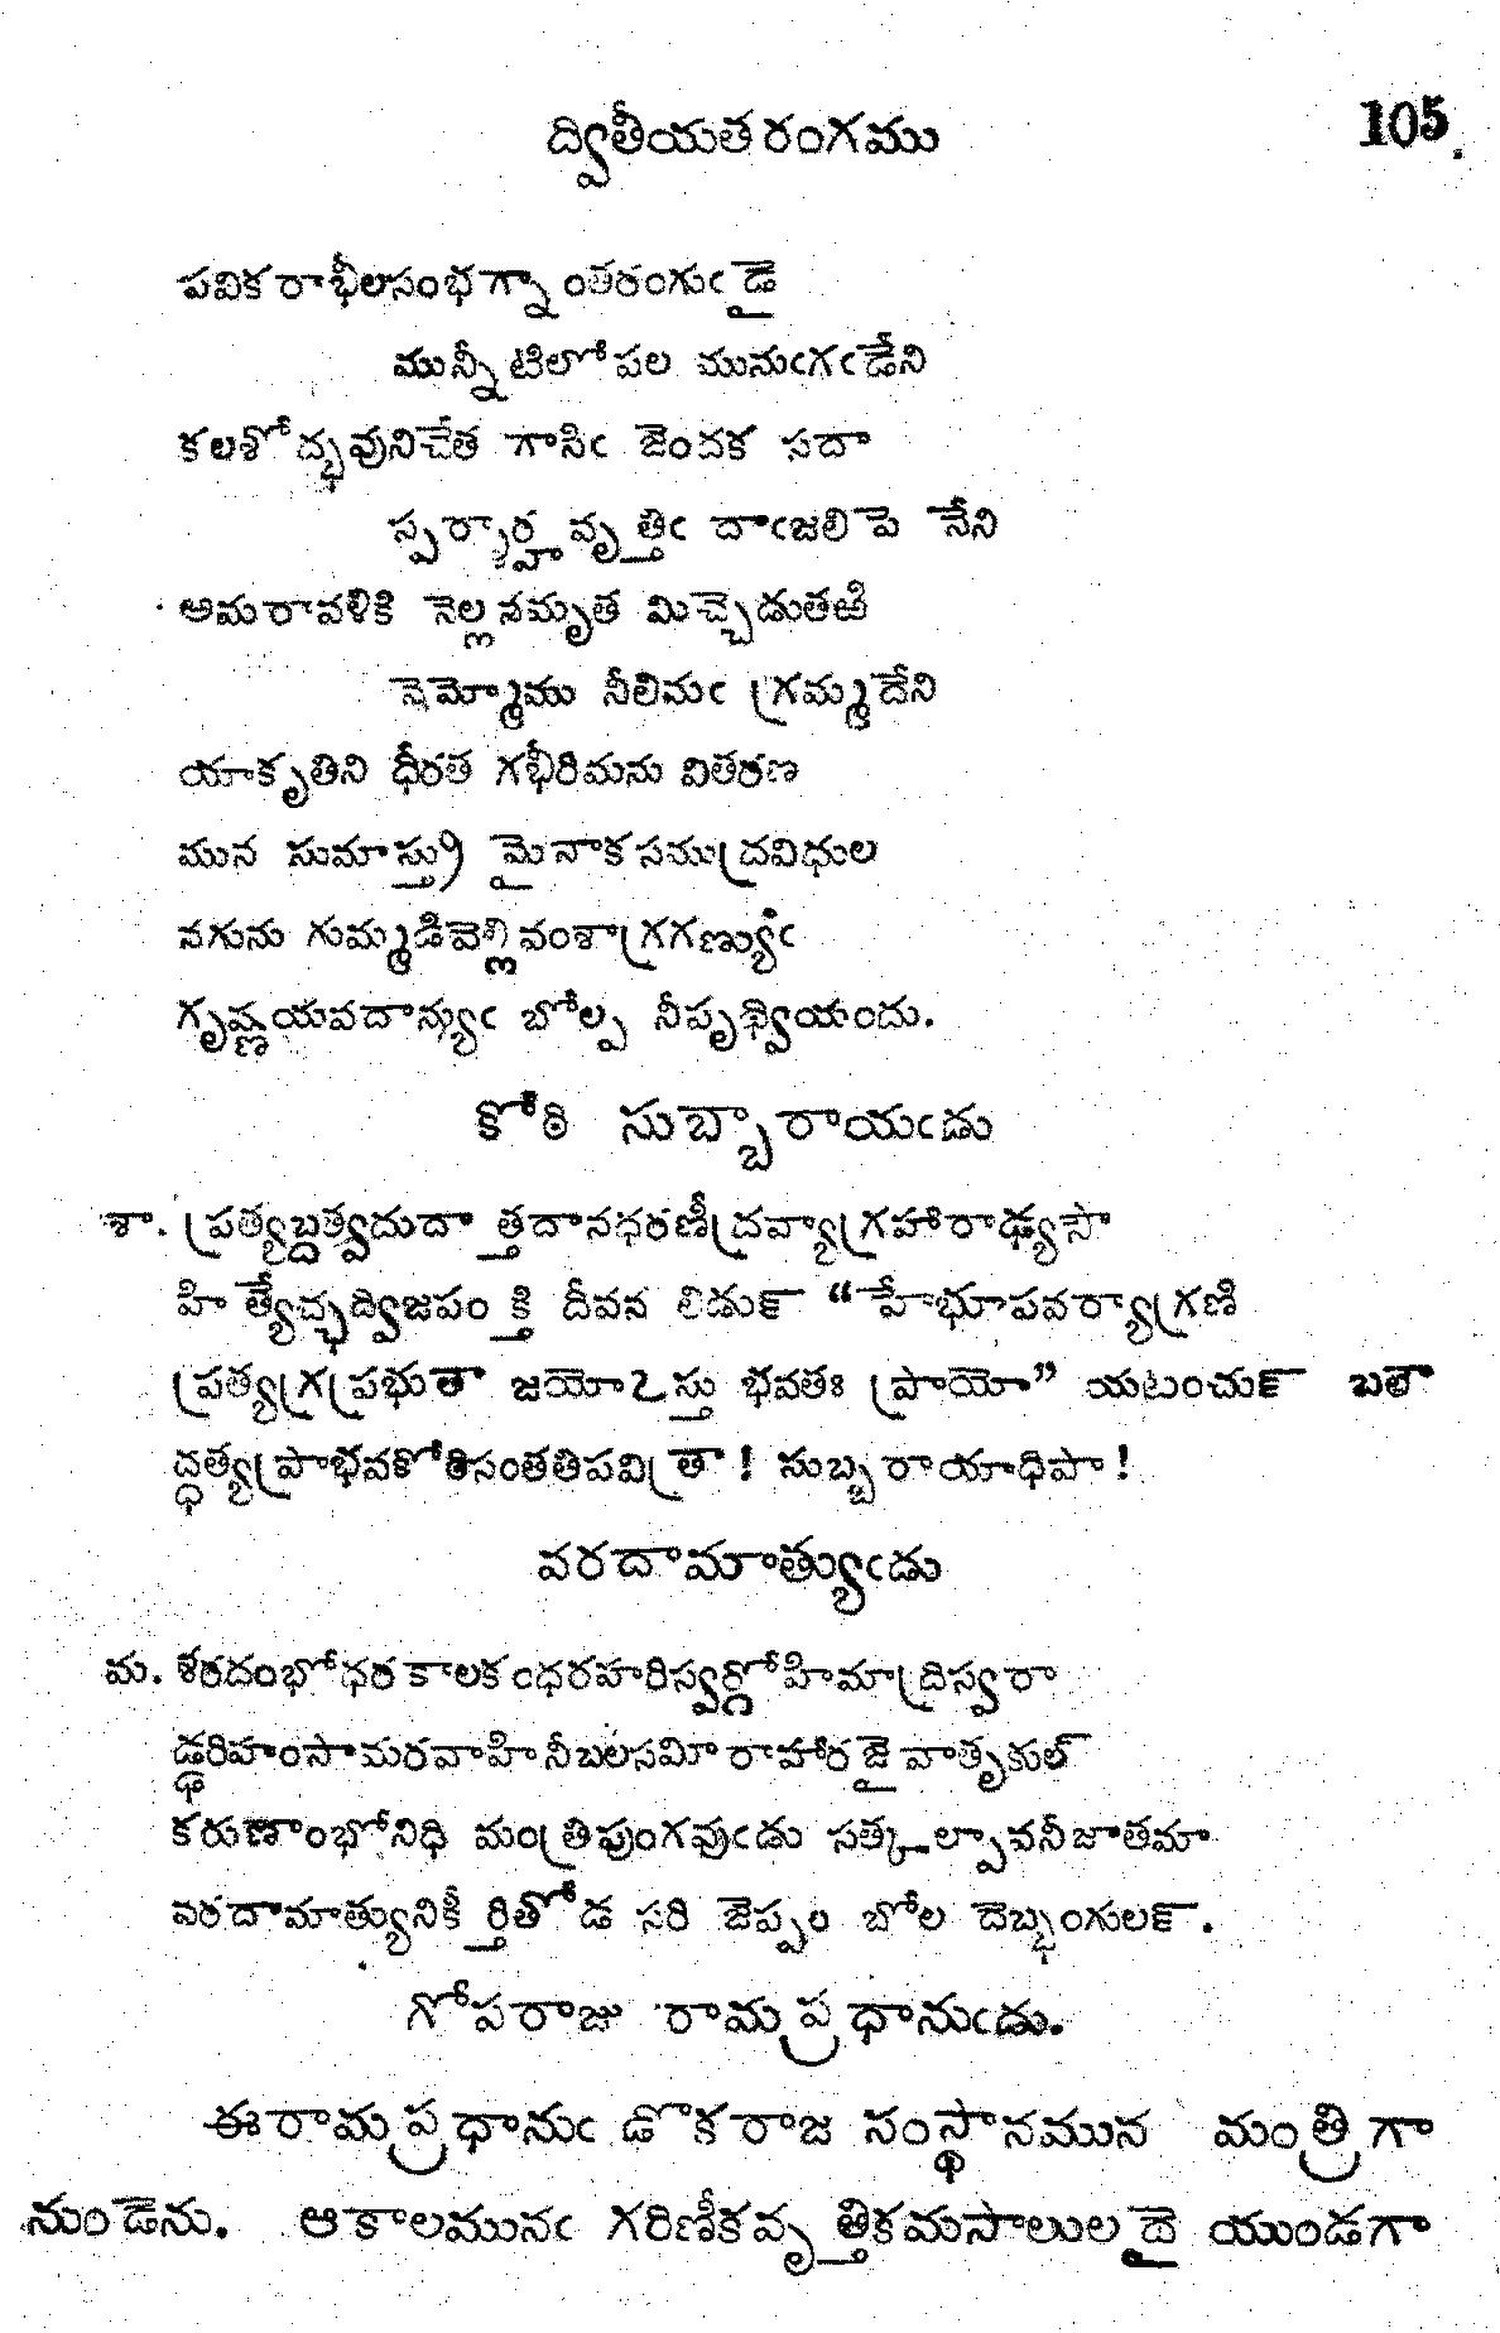పవికరాభీలసంభగ్నాంతరంగుఁడై
 మున్నీటిలోపల మునుఁగఁడేని
 కలశోద్భవునిచేత గాసిఁ జెందక సదా
 స్పర్శార్హవృత్తిఁ దాఁజలిపె నేని
 అమరావళికి నెల్లనమృత మిచ్చెడుతఱి
 నెమ్మోము నీలిమఁ గ్రమ్మదేని
 యాకృతిని ధీరత గభీరిమను వితరణ
 మున సుమాస్త్రు మైనాకసముద్రవిధుల
 నగును గుమ్మడివెల్లివంశాగ్రగణ్యుఁ
 గృష్ణయవదాన్యుఁ బోల్ప నీపృథ్వియందు.

శా. ప్రత్యబ్దత్వదుదాత్తదానధరణీద్రవ్యాగ్రహారాఢ్యసౌ
 హిత్యేచ్ఛద్విజపంక్తి దీవన లిడున్ “హేభూపవర్యాగ్రణి
 ప్రత్యగ్రప్రభుతా జయో౽స్తు భవతః ప్రాయో” యటంచున్ బలౌ
 ద్ధత్యప్రాభవకోఠిసంతతిపవిత్రా! సుబ్బరాయాధిపా!

మ. శరదంభోధరకాలకంధరహరిస్వర్గోహిమాద్రిస్వరా
 డ్ఢరిహంసామరవాహినీబలసమీరాహారజైవాతృకుల్
 కరుణాంభోనిధి మంత్రిపుంగవుఁడు సత్కల్పావనీజాతమా
 వరదామాత్యునికీర్తితోడ సరి జెప్పం బోల దెబ్భంగులన్.

ఈరామప్రధానుఁ డొకరాజసంస్థానమున మంత్రిగా నుండెను. ఆకాలమునఁ గరణీకవృత్తి కమసాలులదై యుండగా